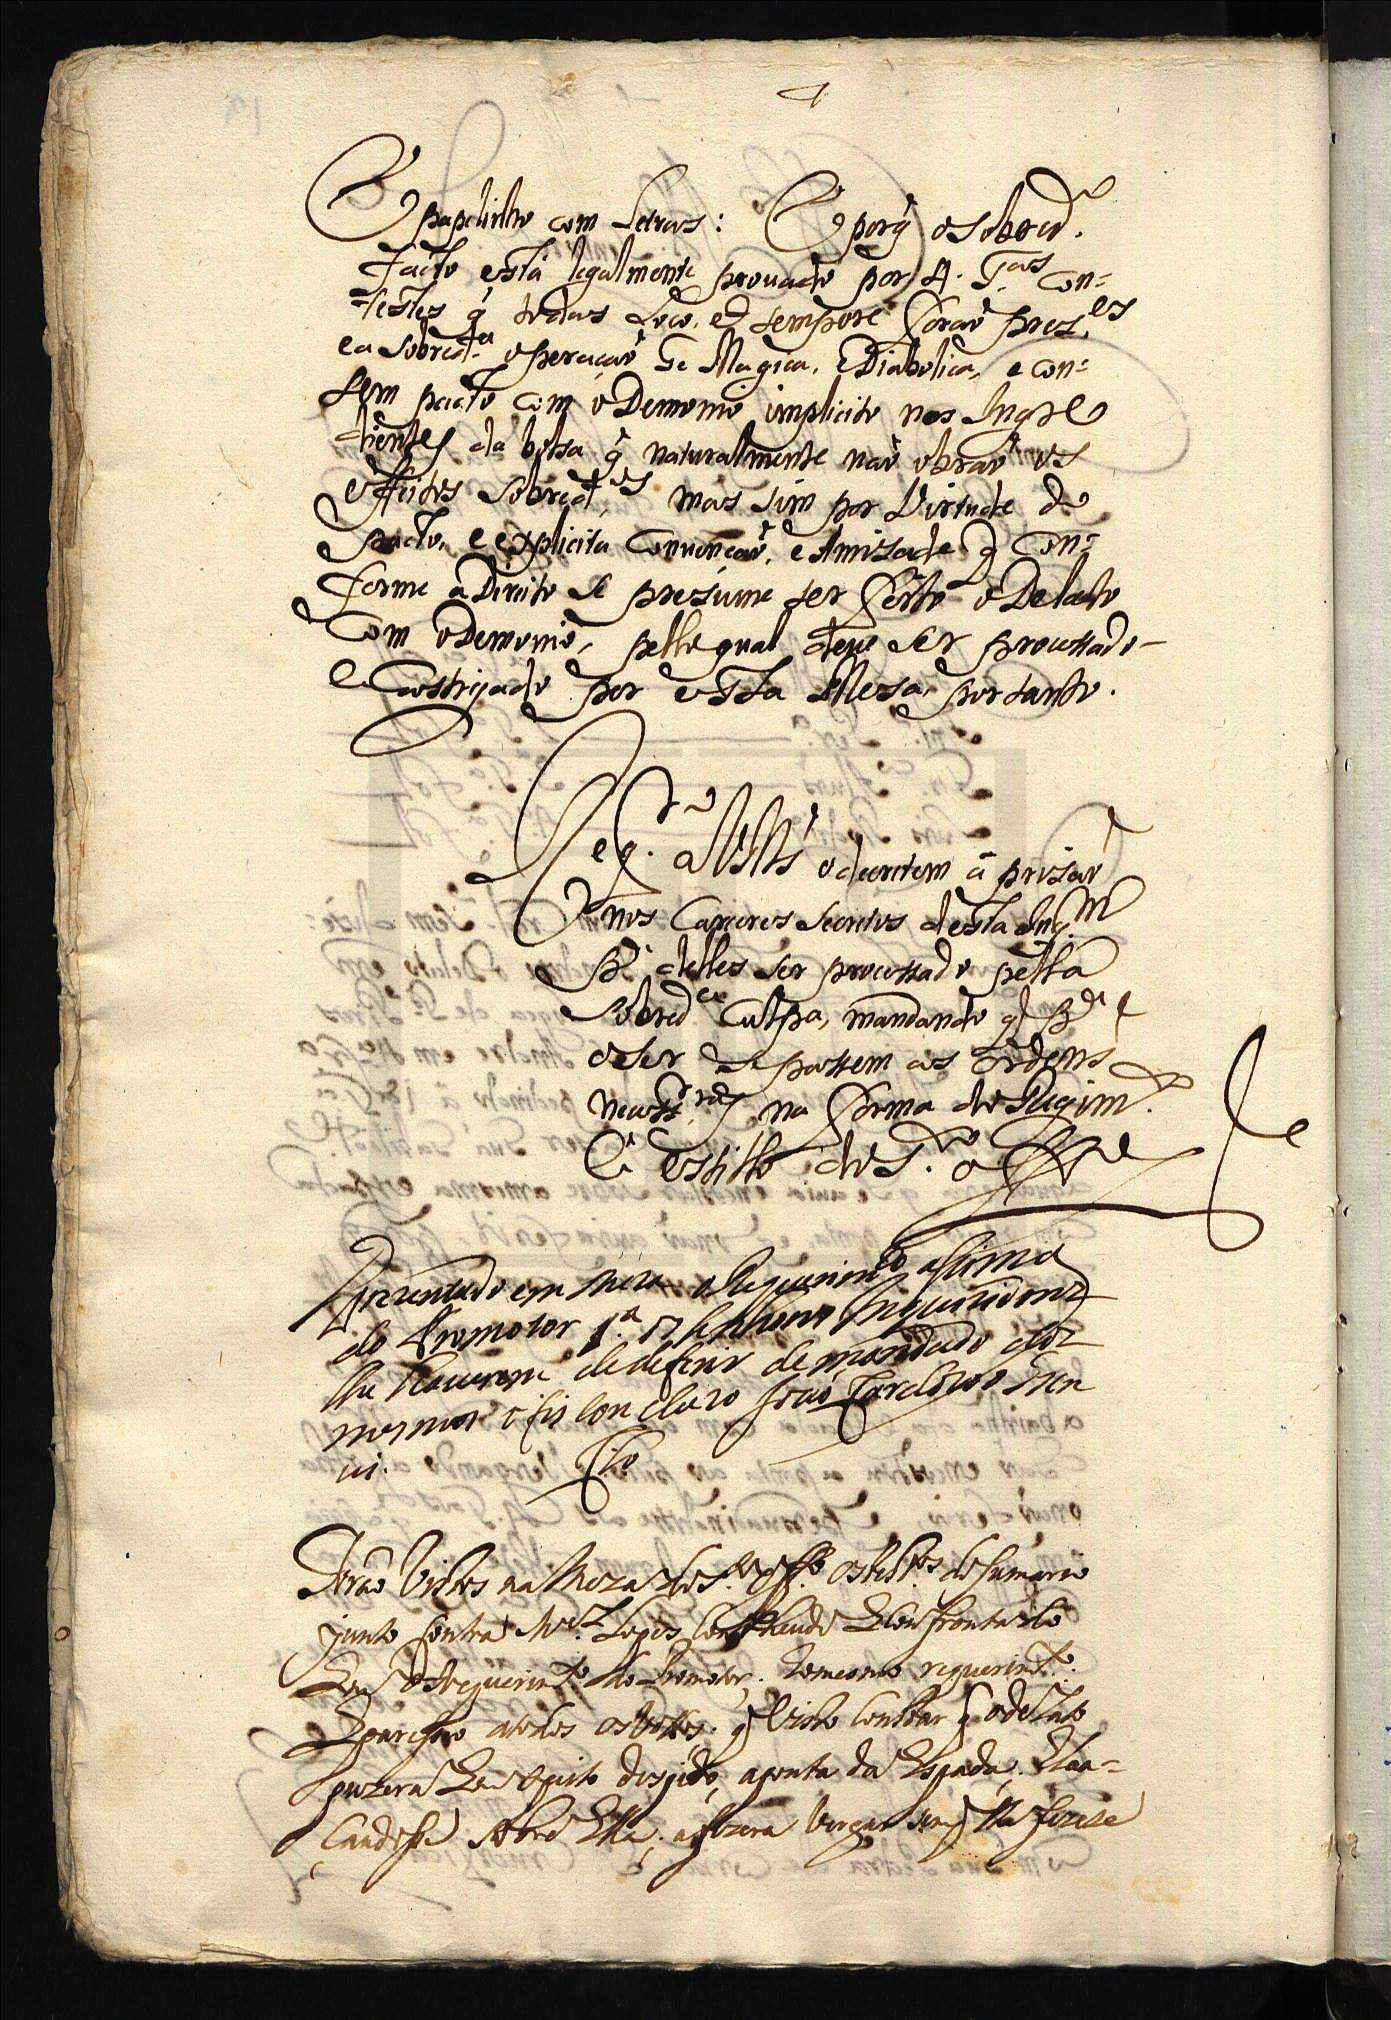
E papelinho com Letras: E porq̄ o sobred.o
facto está legalmente prouado por 4. T.as con
testes q̄ todas loco, et tempore foraõ prez.es
e a sobred̄.a operaçaõ he Magia, e Diabolica, e con
tem pacto com o Demonio implicito nos Ingre
dientes da bolsa q̄ naturalmente naõ obraõ os
effeitos sobred̄os, mas sim por Virtude do
pacto, e explicita Conuençaõ, e Amizade q̄ Con
forme a Direito se prezume ter feito o Delato
Com o Demonio, pello qual deue ser processado
e Castigado por esta Mesa, portanto.
Req.ro a V Ms̄ o decretem á prizaõ
nos Carceres Secretos desta Inq.m
pa delles ser processado pella
sobreda Culpa, mandando q̄ pa
o ser se passem as ordens
necess̄.ras na forma do Regimto.
E estillo do S.to offo
E prezentado em Meza o Requerimto assima
do Promotor p.a os senhores Inquizidorez
lhe hauerem de deferir de mandado doz
mesmos o fis concluzo Joaõ Cardozo o Escre
ui.
Clo.
Foraõ Vistos na Meza do s.to off.o os test.os do sumario
junto Contra M.el Lopes Contheudo E Confrontado
Em o Requerimto do Promotor. E o mesmo requerimto.
E paresseo a todos os Vottos. q̄ Visto Constar q̄ o deLato
puzera Em o peito despido, a ponta da Espada, E lan
Çandosse sobre Ella; a fizera Vergar sem q̄ lhe fizese
